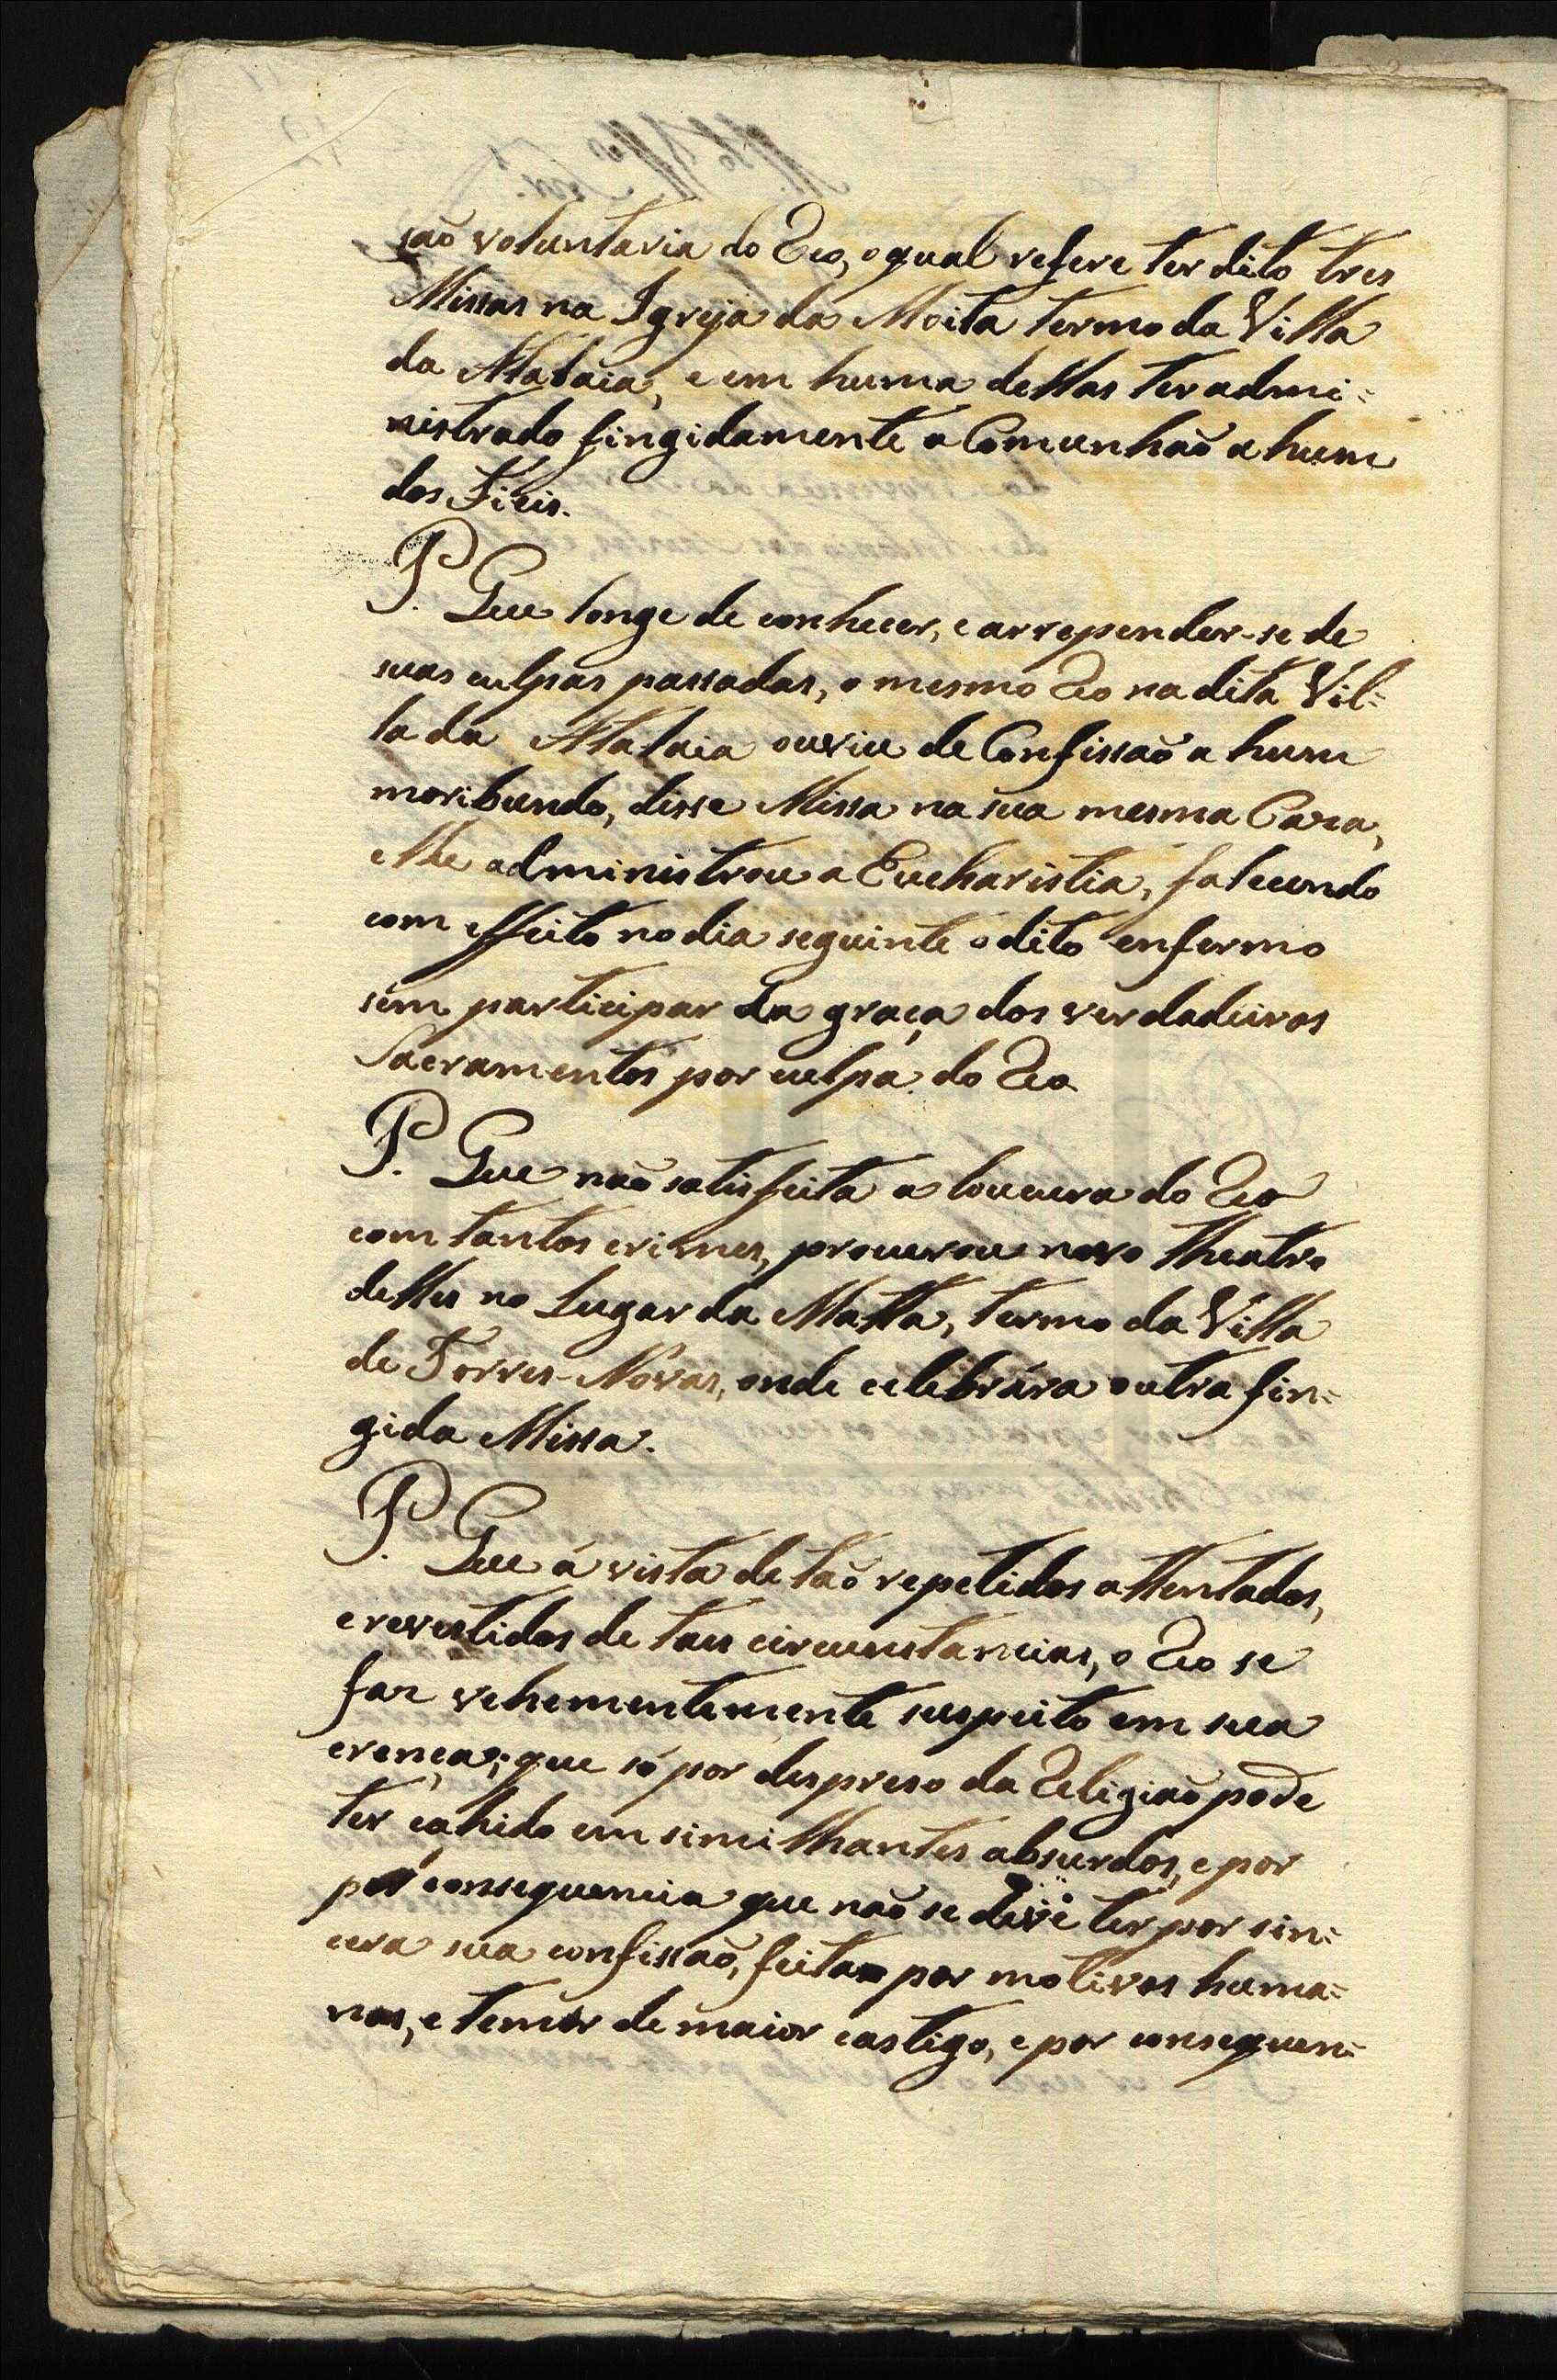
saõ voluntaria do Reo, o qual refere ter dito tres
Missas na Igreja da Moita termo da Villa
da Atalaia, e em huma dellas ter admi
nistrado fingidamente a Comunhaõ a hum
dos Fieis.
P. Que longe de conhecer, e arrepender-se de
suas culpas passadas, o mesmo Reo na dita Vil
la da Atalaia ouviu de Confissaõ a hum
moribundo, disse Missa na sua mesma Caza,
e lhe administrou a Eucharistia, falecendo
com effeito no dia seguinte o dito enfermo
sem participar da graça dos verdadeiros
Sacramentos por culpa do Reo.
P. Que naõ satisfeita a loucura do Reo
com tantos crimes, procurou novo theatro
delles no Lugar da Matta, termo da Villa
de Torres-Novas, onde celebrára outra fin
gida Missa.
P. Que á vista de taõ repetidos attentados,
e revestidos de taes circunstancias, o Reo se
faz vehementemente suspeito em sua
crença; que só por despreso da Religiaõ pode
ter cahido em similhantes absurdos, e por
por consequencia que naõ se deve ter por sin
cera sua confissaõ, feitas por motivos huma
nos, e temor de maior castigo, e por consequen
